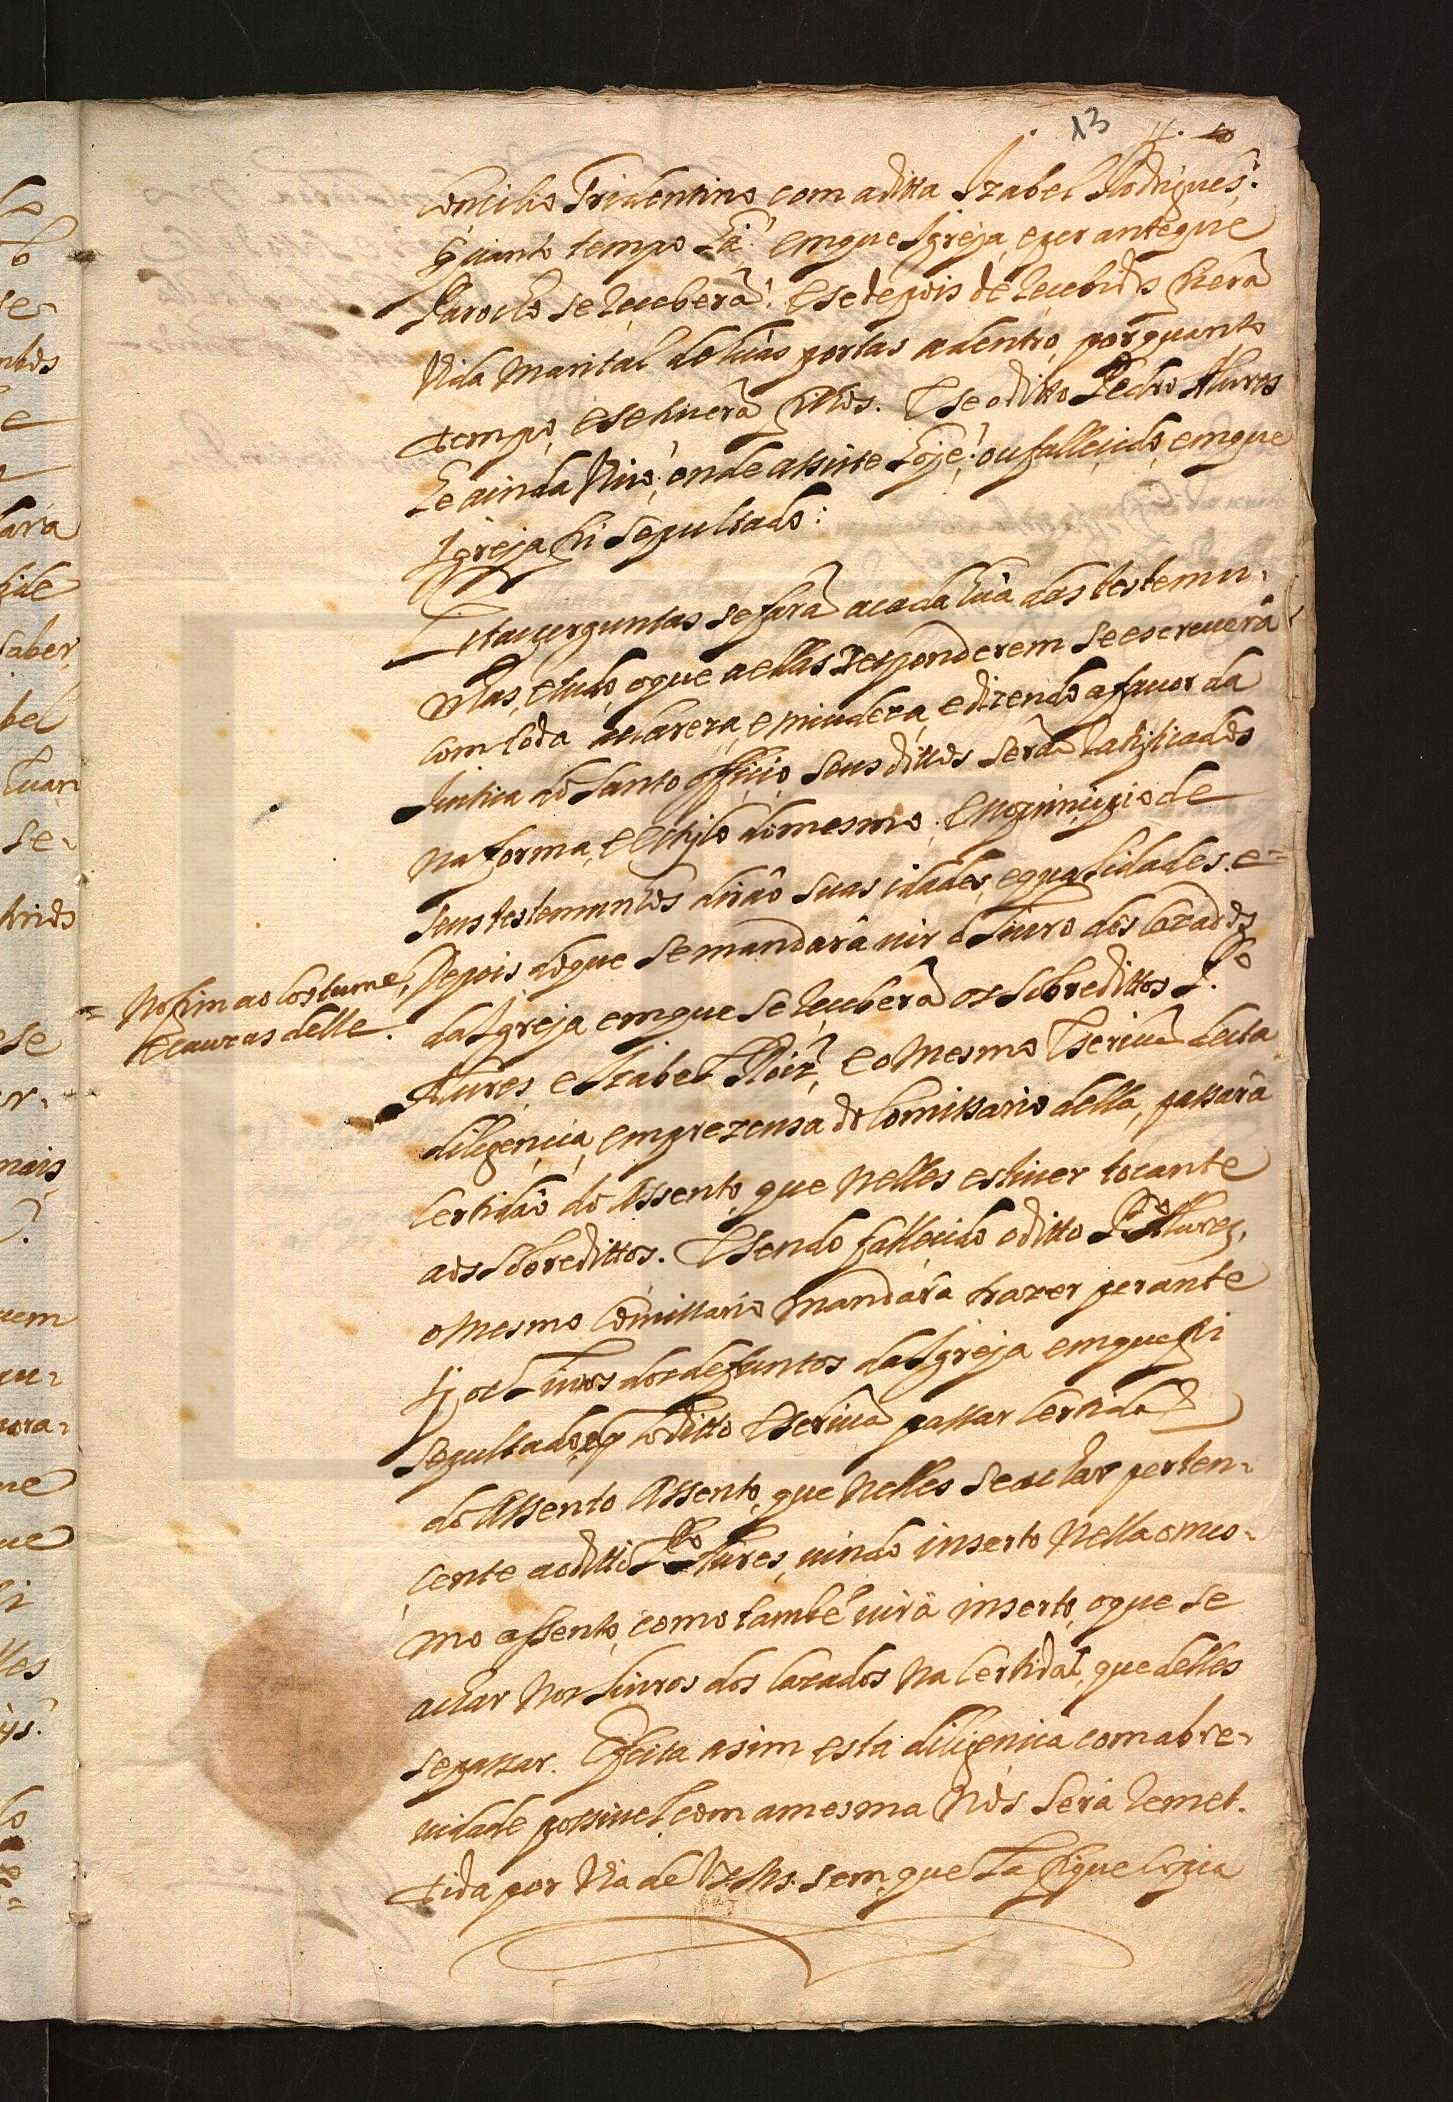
no fim ao Costume,
e couzas delle.
Concilio Tridentino com a ditta Izabel Rodrigues?
quanto tempo há; em que Igreja, e perante que
Parocho se Receberaõ? e se depois de Recebidos fizeraõ
Vida marital de huās portas adentro, porquanto
tempo, e se tiuerão filhos. E se o ditto Pedro Alures
he ainda vivo, onde assiste hoje, ou fallecido, em que
Igreja foi sepultado:
Estas perguntas se faraõ a cada huā das testemu
nhas, e tudo o que a ellas responderem se escreuerā
com toda a clareza, e miudeza, e dizendo a fauor da
Justica ao santo officio seus dittos seraõ Ratificados
na forma e estylo do mesmo, e no principio de
seus testemunhos diraõ suas idades, e qualidades, e
Depois do que se mandarā uir o Liuro dos Cazados
da Igreja, em que se Reçeberaõ os sobredittos P.o
Alures, e Izabel Roiz̄, e o mesmo Escriuaõ desta
diligençia, em prezensa do Comissario della, passará
Certidaõ do assento que nelles estiuer tocante
aos sobredittos. E sendo fallecido o ditto P.o Alures,
o mesmo Comissario mandará trazer perante
sj os Liuros dos defuntos da Igreja, em que foi
sepultado, e p̄lo ditto escriuaõ passar Certidaõ
do assento assento, que nelles se achar perten
cente ao ditto P.o Alures, uindo inserto nella o mes
mo assento como tambē uira inserto, o que se
achar nos Liuros dos cazados na Certidão, que delles
se passar. E feita asim esta diligenica com a bre
uidade possiuel com a mesma nos será Remet
tida por via de Vs Ms sem que La fique Copia
